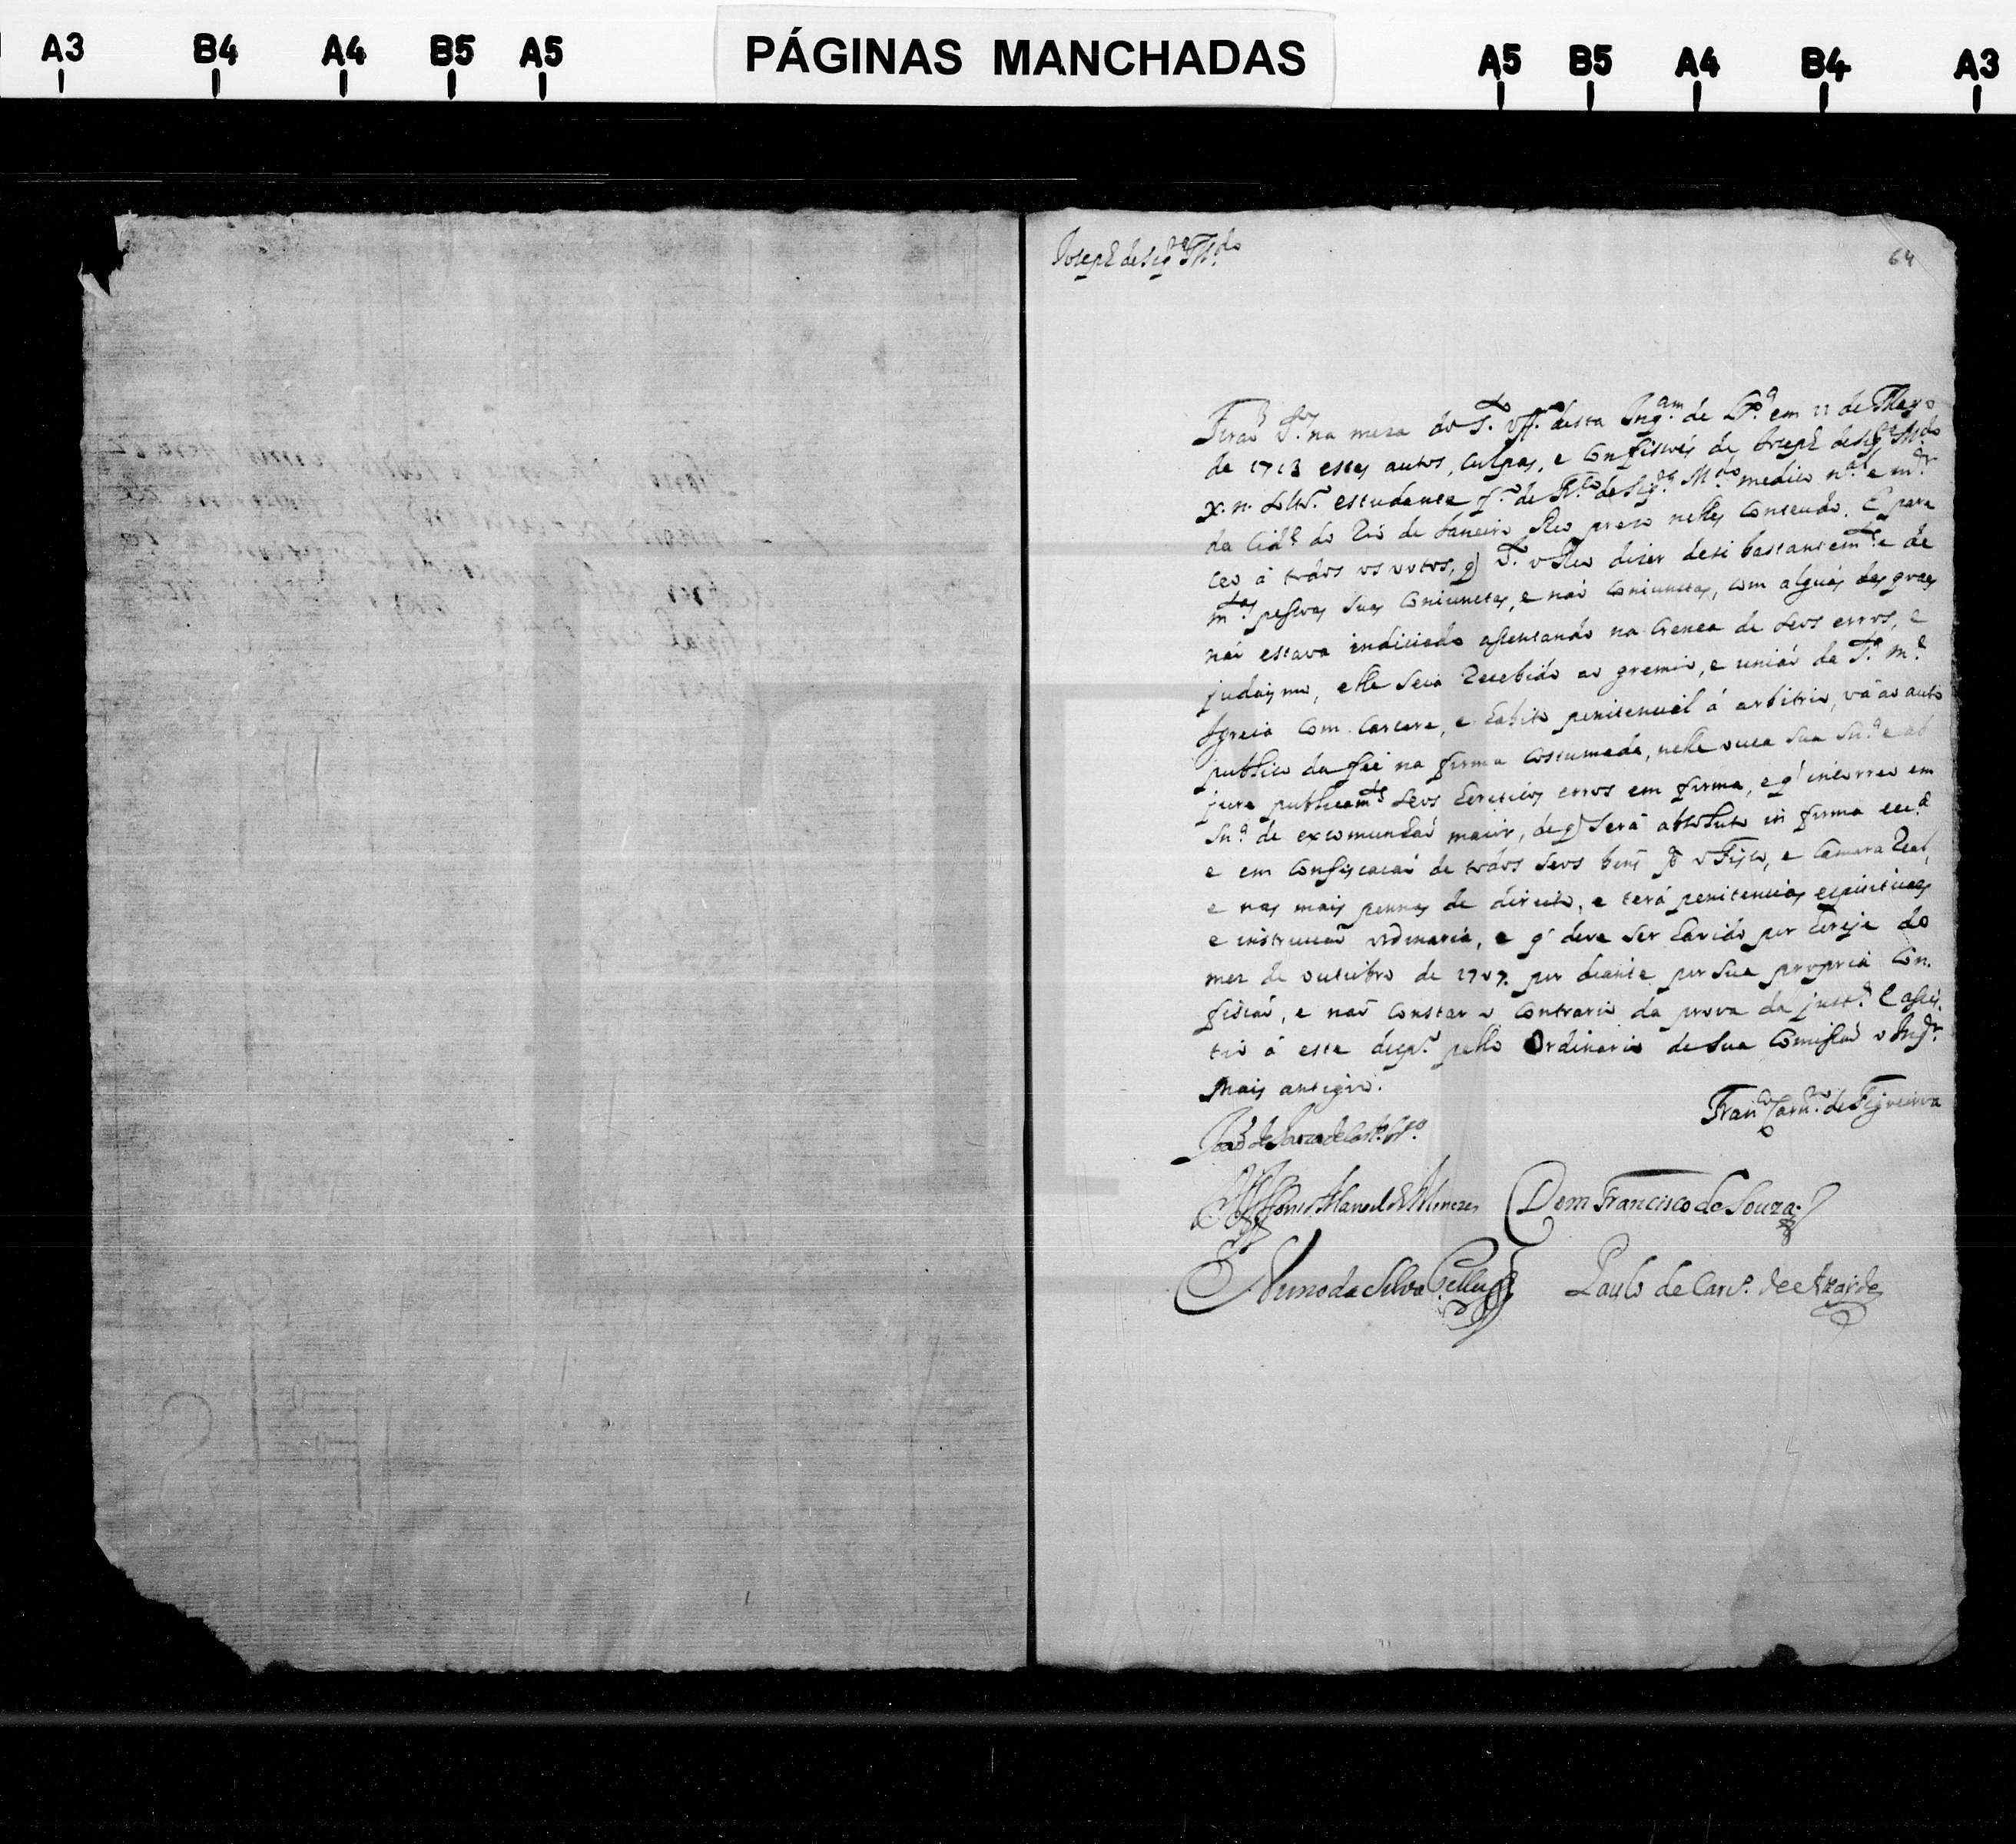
Iozeph de seqra M.do
Foraõ v.os na mesa do s.to off.o desta Inq.am de Lx.a em 11 de Mayo
de 1713 esses autos, culpas, e confissoẽs de Iozeph de Seqra M.do
x. n. soltr.o estudante f.o de Fr.co de Siq.ra M.do medico n.al e m.or
da Cid.e do Rio de Ianeiro Reo prezo nelles conteudo. E para
ceo a todos os outros, q̄ v.to o Reo dizer de si bastantem.te e de
m.tas pessoas suas coniunctas, e naõ coniunctas, com algūas das quaes
naõ estava indiciado assentando na crença de seos erros, e
judaismo, elle será Recebido ao gremio, e uniaõ da s.ta m.e
Igreia com carcere, e habito penitencial á arbitrio, vá ao auto
publico da fee na forma costumada, nelle ouça sua sn.a e ab
jure publicam.te seos hereticos erros em forma, e q̄ incorreo em
sn.a de excomunhaõ maior, de q̄ será absoluto in forma ecc.æ
e em confiscaçaõ de todos seos bens pa o Fisco, e Camera Real,
e nas mais pennas de direito, e terá penitencias espirituaes
e instrucçaõ ordinaria, e q̄ deva ser havido por hereje do
mes de outubro de 1707. per diante per sua propria con
fisçaõ, e naõ constar o contrario da prova da just.a e assis
tio á este desp.o pello Ordinario de Sua comissaõ o Inq.or
Mais antiguo.
Franco Carn.ro de Figueiroa
Joaõ de Souza de cast.o br.co
Fr. Affonso Manoel de Menezes Dom Francisco de Souza.
Nuno da Silva Telles
Paulo de Carv.o de Attayde
